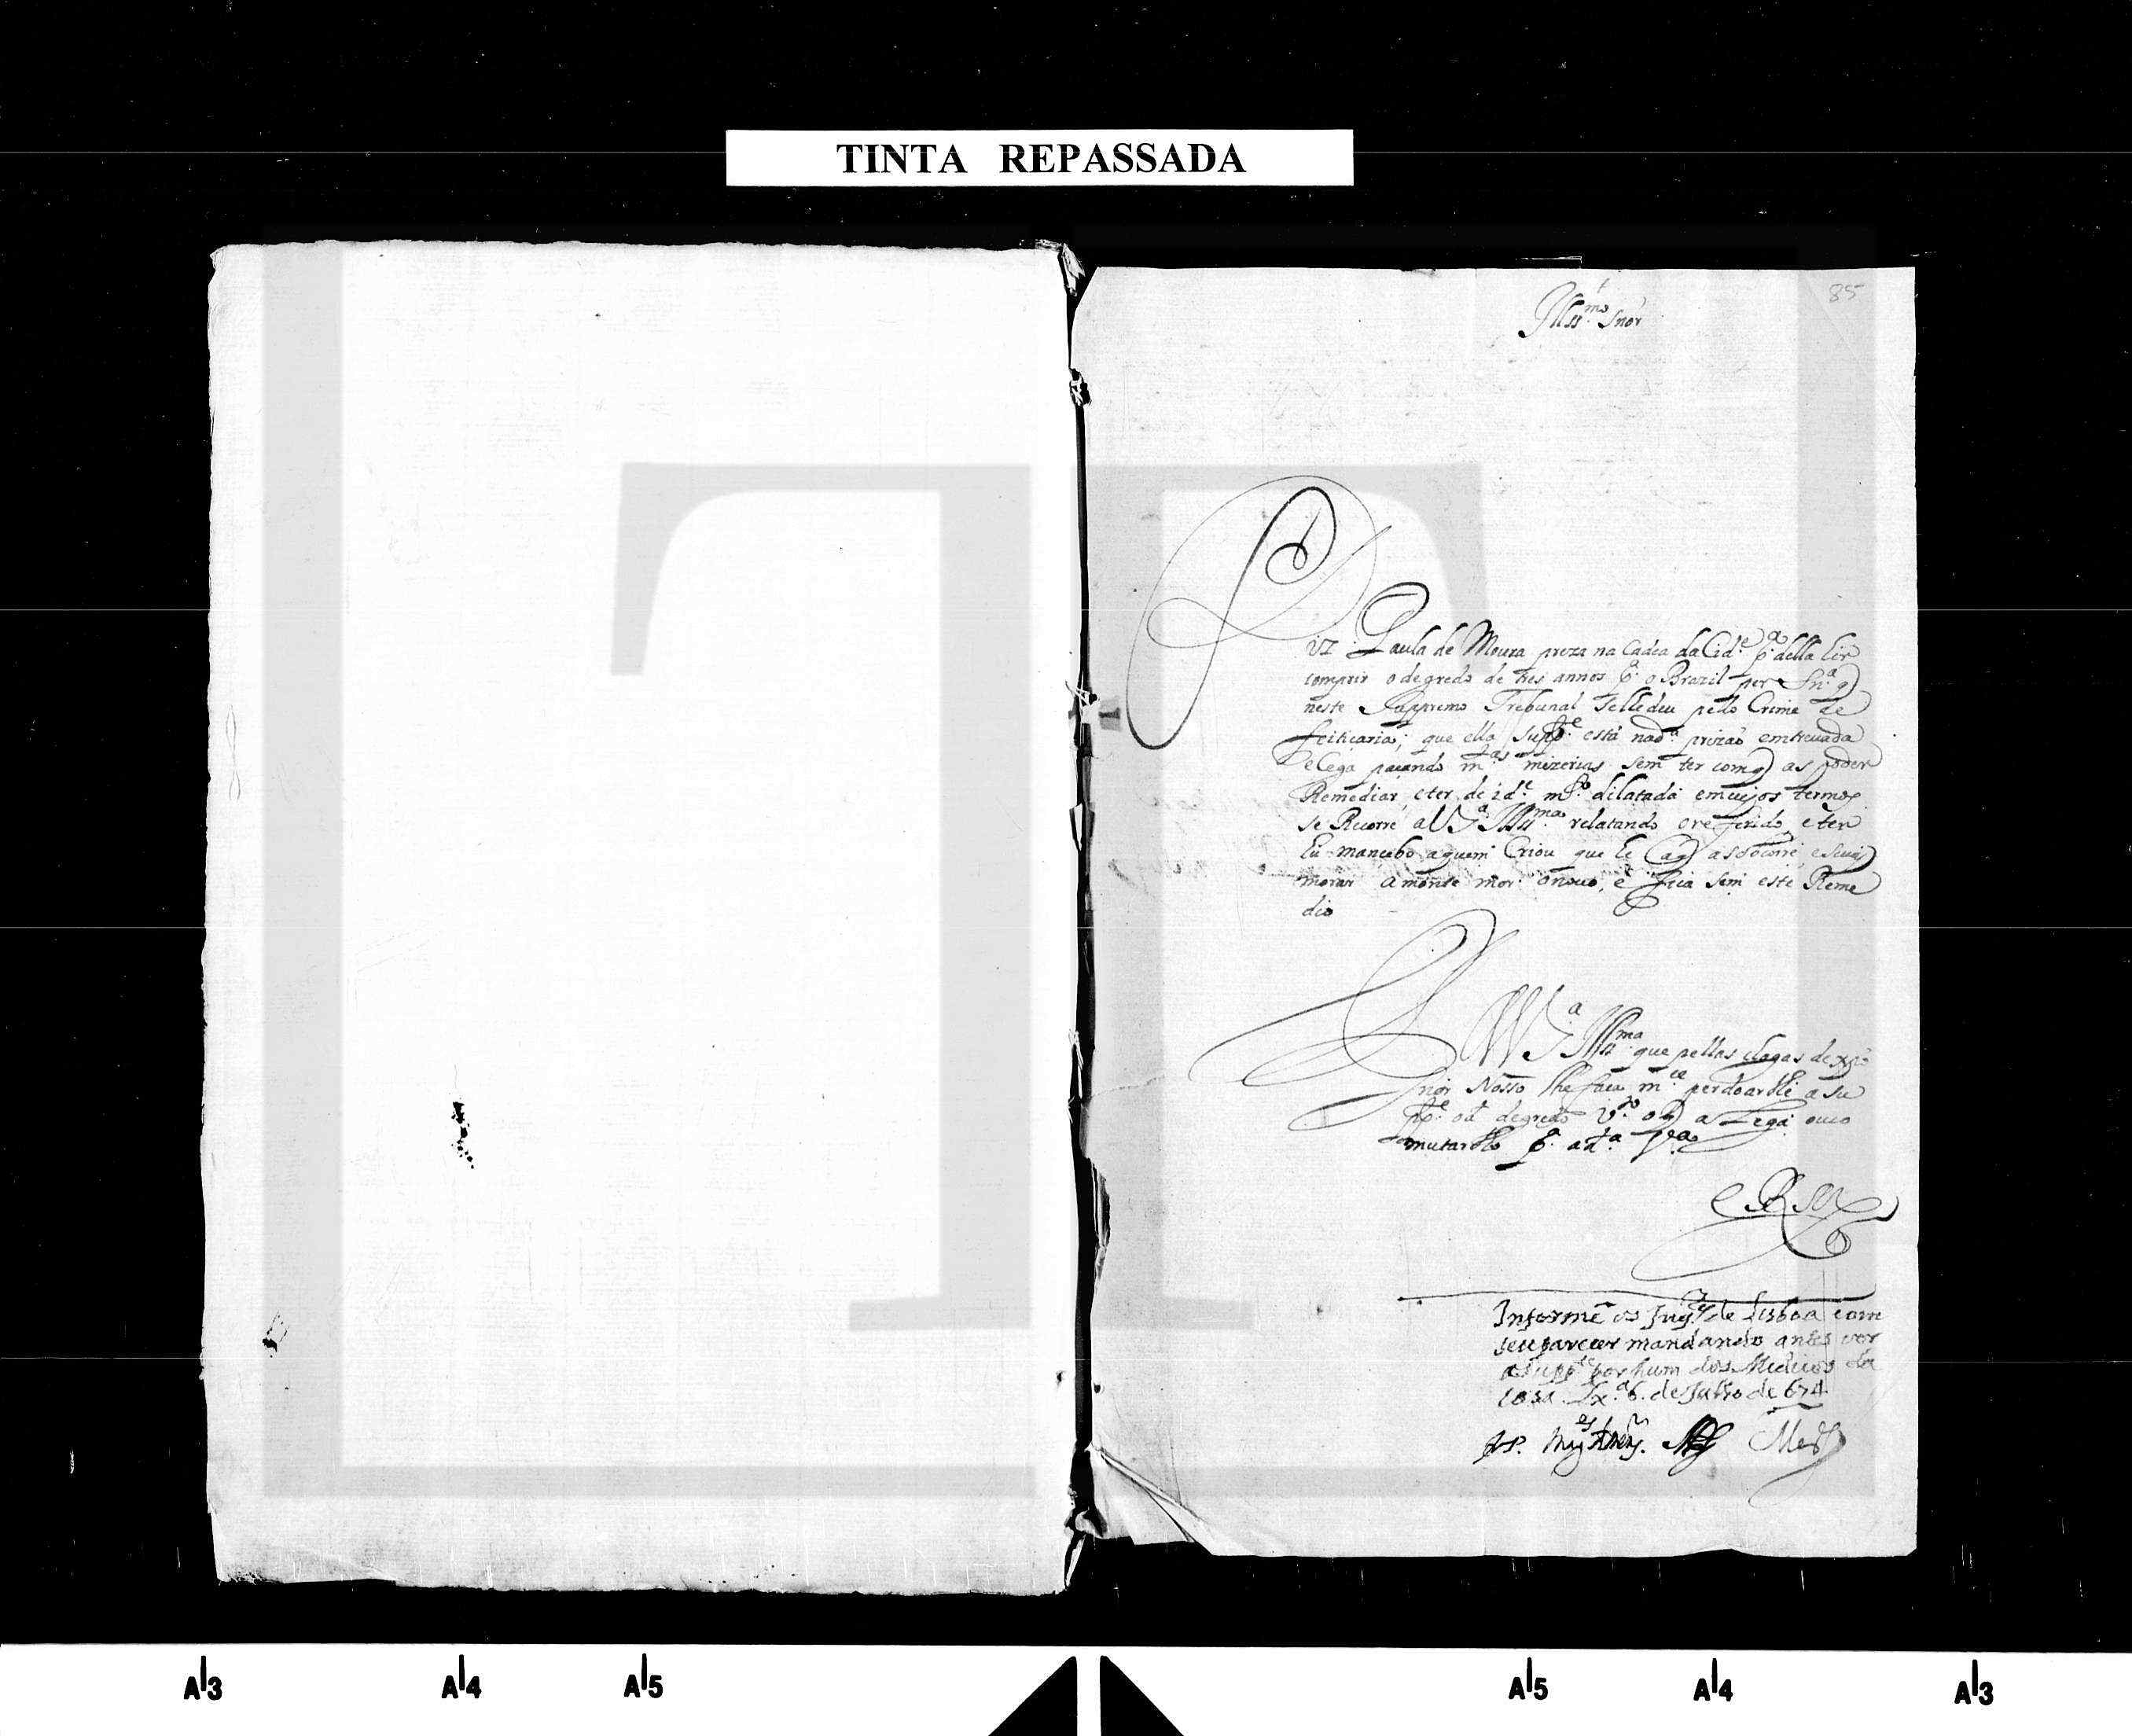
Ilss.mo Snor̄
Diz Paula de Moura preza na Cadea da Cid.e p.a della hir
cumprir o degredo de tres annos p.a o Brazil pera Sn.a q̄
neste Suppremo Tribunal se lhe deu pello Crime de
feitiçaria; que ella supp.te está na d.a prizaõ emtreuada
e cega paçando m.tas mizerias sem ter com q̄ as poder
Remediar e ter de id.e m.to dilatada em cujos termos
se Recorre a V Sa. Illss.ma relatando o referido, e ten
hū mancebo a quem Criou que he a q̄ a sobcorre e se uaj
morar a montemor o nouo, e fica sem este Reme
dio
P A V S.a Illss.ma o que pellas chagas de xpō
Snor Nosso lhe faça m.ce perdoarlhe a su
ppt.e o d̄ degredo v.to o q̄ alega ou co
mutarlho p.a a d̄.a V.a
E R M
Informē os Jnqres de Lisboa com
seu parecer mandando antes ver
a suppte per hum dos Medicos da
casa Lx.a 6. de Julho de 674
frs̄. Mages d̄ Men̄s.
Mexa
